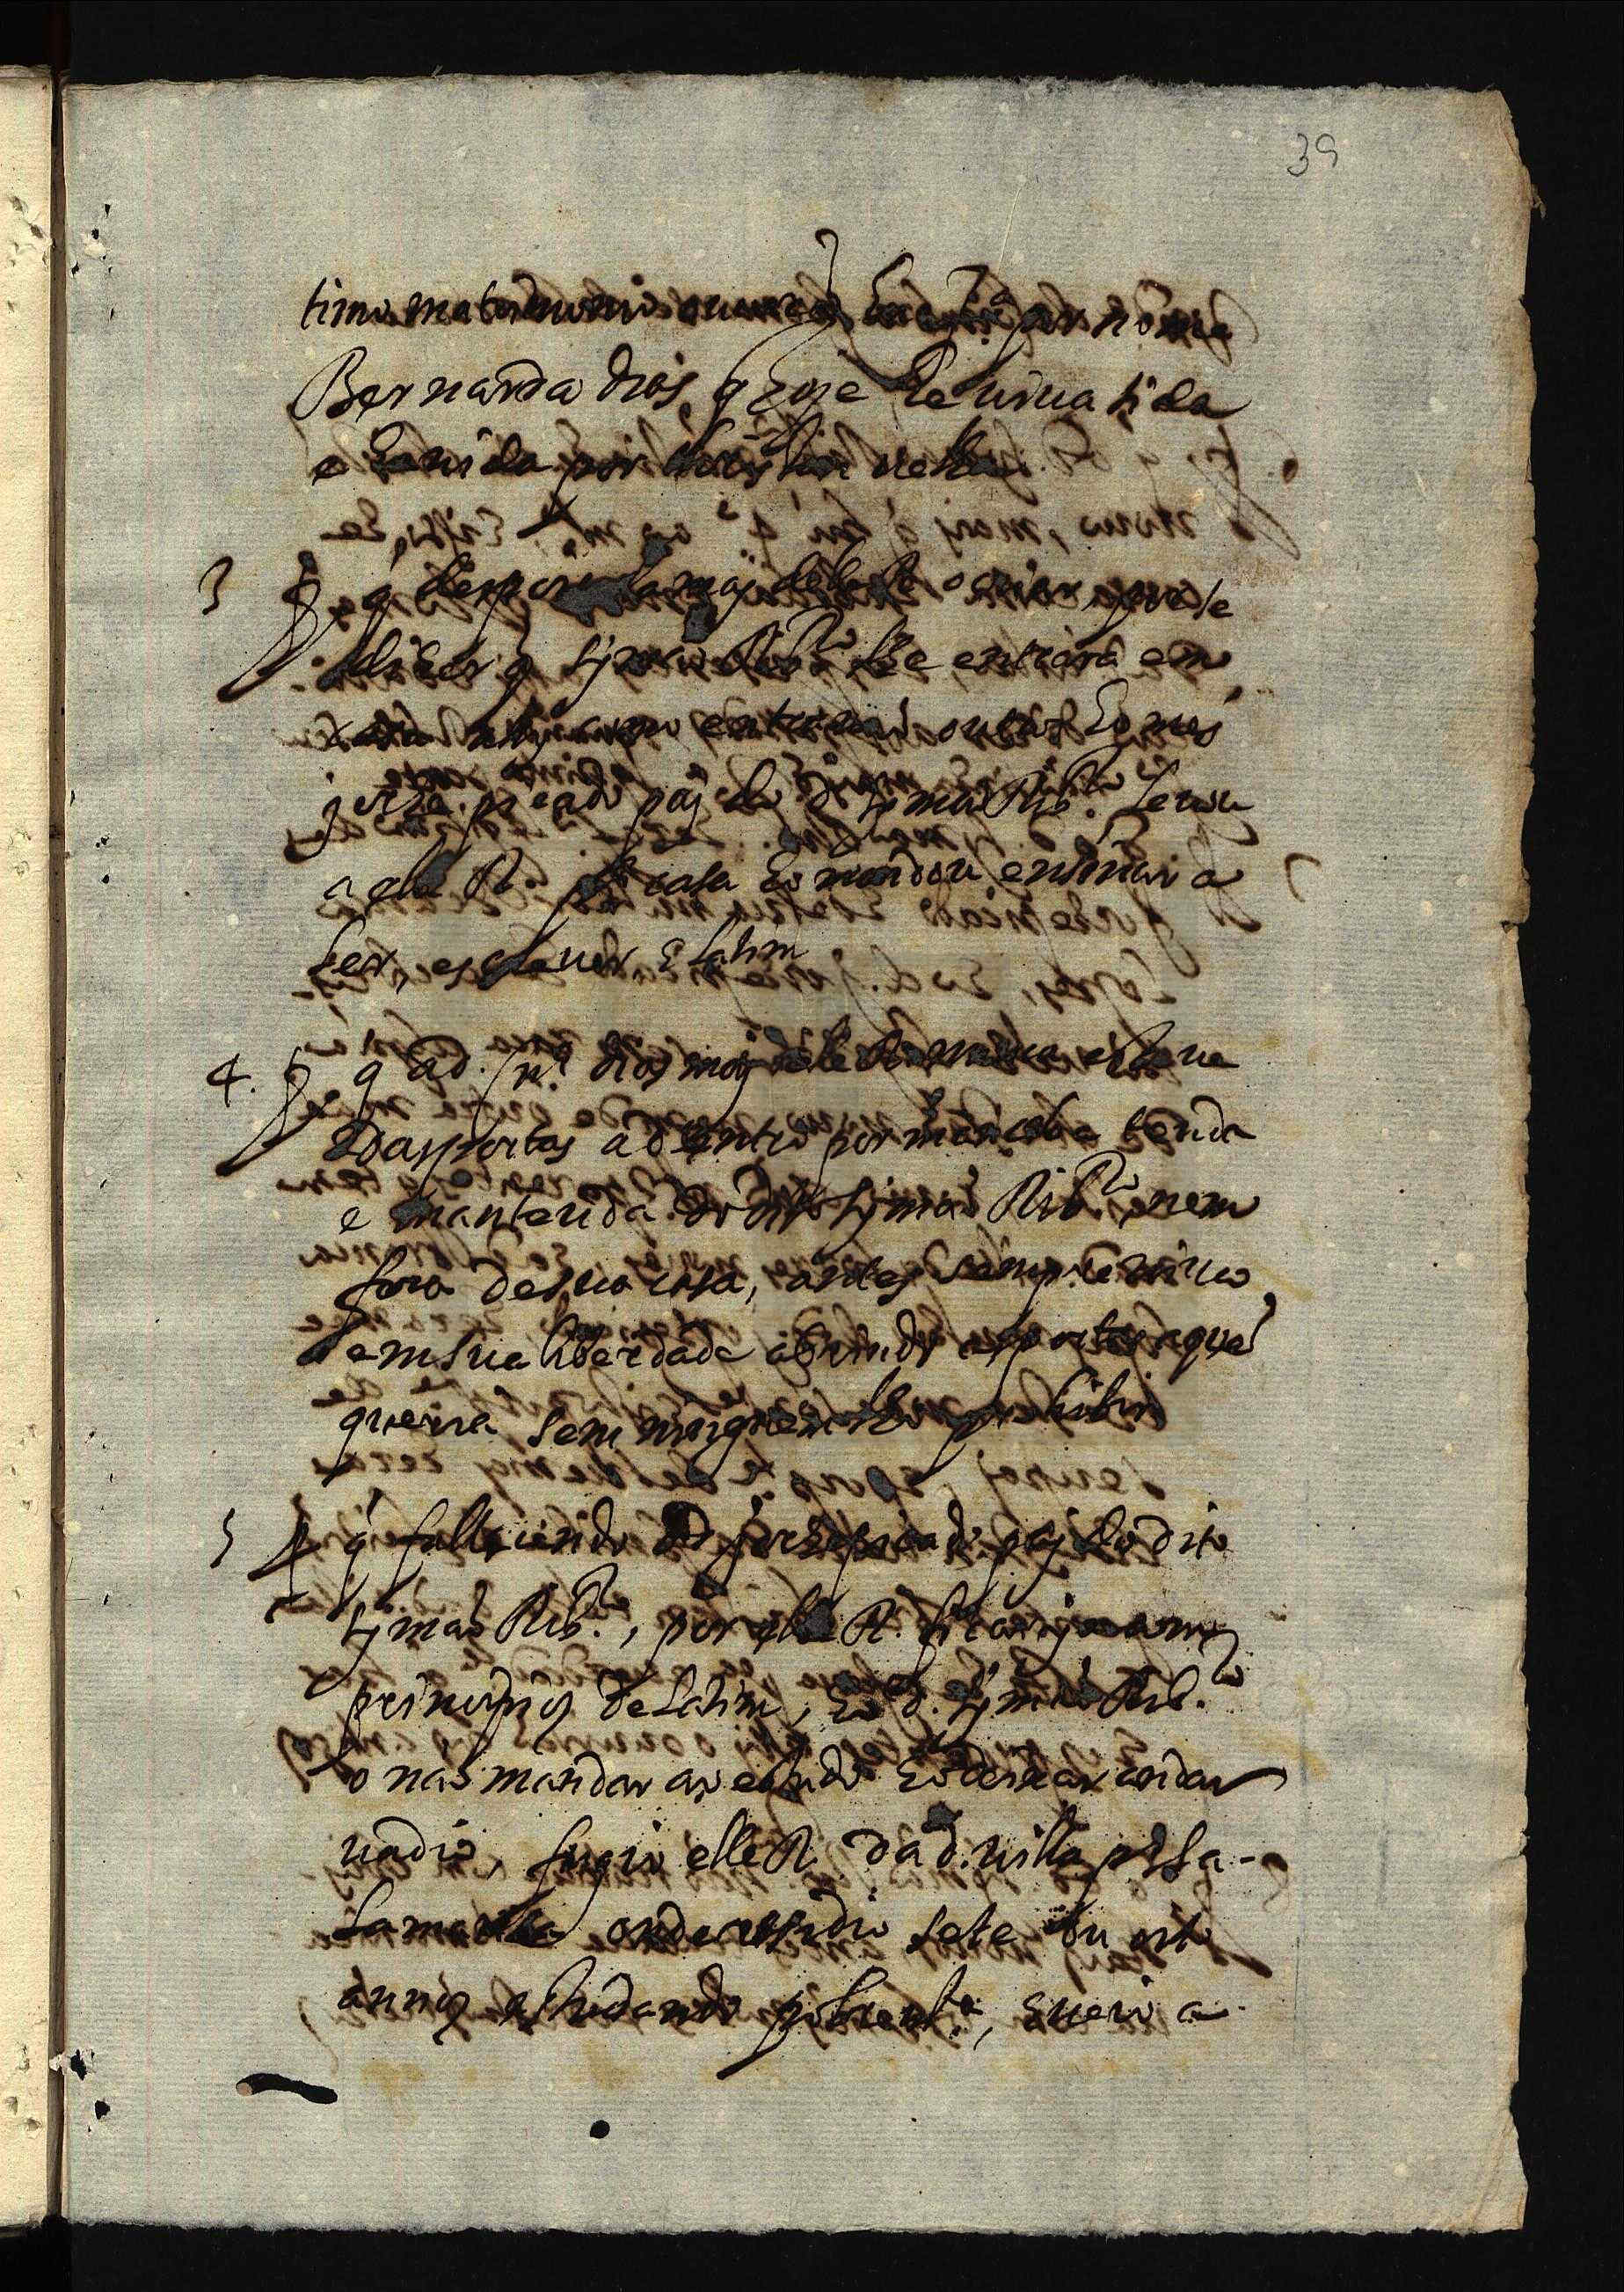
timo matrimonio ouueraõ hua f.a por nome
Bernarda dias q̄ hoje he uiua tida
e hauida por christan uelha.
3 ꝓ q̄ despois da maj delle R o criar, por se
dizer q̄ sjmaõ Ribro lhe entrara em
casa assy como entrauaõ outros homēs
jorhe picado paj do do symaõ Rib.ro leuou
a elle R. pa casa E o mandou ensinar a
ler, escreuer E latim
4. ꝓ q̄ a d. Cn.a dias maj delle R. nunca esteue
das portas adentro por manceba teuda
e manteuda do dito symaõ Rib.ro, nem
fora de sua casa, antes sempre uiueo
em sua liberdade abrindo as portas a quē
queria sem ninguem lho prohibir
5 ꝓ q̄ fallecendo o d jorhe picado paj do dito
symaõ Rib.ro, por ele R. ficar ya com
principios de Latim, E o d. symaõ Rib.ro
o naõ mandar ao estudo E o deixar andar
uadio, fugio elle R da d. uilla pa Sa
lamanca onde residio sete ou oito
annos estudando pobremt.e, E ueio a
